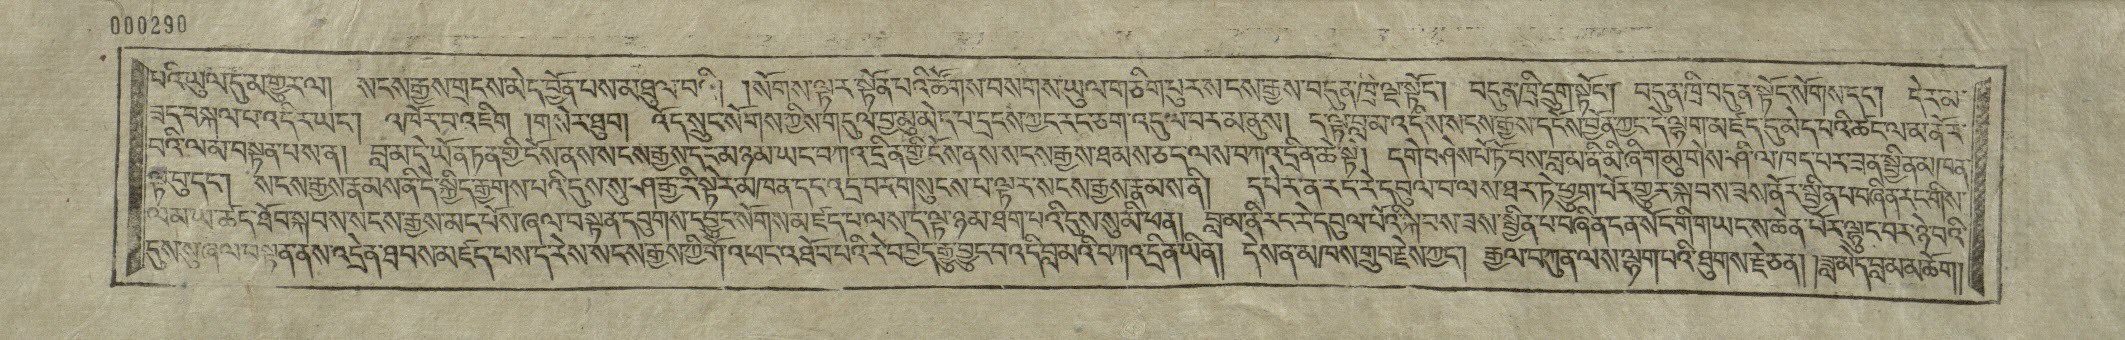པའི་ཡུལ་དུ་མ་གྱུར་ལ། སངས་རྒྱས་གྲངས་མེད་བྱོན་པས་མཐུལ་བའི། །སོགས་ལྟར་སྟོན་པའི་ཚོགས་བསགས་ཡུལ་གཅིག་པུར་སངས་རྒྱས་བདུན་ཁྲི་ལྔ་སྟོང་། བདུན་ཁྲི་དྲུག་སྟོང་། བདུན་ཁྲི་བདུན་སྟོང་སོགས་དང་། དེར་མ་
ཟད་བསྐལ་པ་འདིར་ཡང་། འཁོར་བ་འཇིག །གསེར་ཐུབ། འོད་སྲུང་སོགས་ཀྱིས་གདུལ་བྱ་མུ་མེད་པ་དྲངས་ཀྱང་རང་ཅག་འདུལ་བར་མ་ནུས། ད་ལྟ་བླ་མ་འདིས་སངས་རྒྱས་དངོས་བྱོན་ཀྱང་དེ་ལྷག་མཛད་དུ་མེད་པའི་ཚང་ལ་མ་ནོར་
བའི་ལམ་བསྟན་པས་ན། བླ་མ་དེ་ཡོན་ཏན་གྱི་ངོས་ནས་སངས་རྒྱས་དང་མཉམ་ཡང་བཀའ་དྲིན་གྱི་ངོས་ནས་སངས་རྒྱས་ཐམས་ཅད་ལས་བཀའ་དྲིན་ཆེ་སྟེ། དགེ་བཤེས་པོ་ཏོ་བས་བླ་མ་ནི་མི་ཞིག་མུ་གེས་ཤི་ལ་ཁད་པར་ཟན་སྦྱིན་མཁན་
ལྟ་བུ་དང་། སངས་རྒྱས་རྣམས་ནི་དེ་སྐྱིད་རྒྱགས་པའི་དུས་སུ་ཤ་རྒྱ་རི་སྟེར་མཁན་དང་འདྲ་བར་གསུངས་པ་ལྟར་སངས་རྒྱས་རྣམས་ནི། དཔེར་ན་རང་རེ་དབུལ་བ་ལས་ཐར་ཏེ་ཕྱུག་པོར་གྱུར་སྐབས་ཟས་ནོར་སྦྱིན་པ་བཞིན་རང་གིས་
ལམ་ཡ་ཚད་ཐོབ་སྐབས་སངས་རྒྱས་མང་པོས་ཞལ་བསྟན་དབུགས་དབྱུང་སོགས་མཛད་པ་ལས་ད་ལྟ་ཉམ་ཐག་པའི་དུས་སུ་མི་ཕན། བླ་མ་ནི་རང་རེ་དབུལ་པོའི་སྐབས་ཟས་སྦྱིན་པ་བཞིན་ངན་སོང་གི་གཡང་ས་ཆེན་པོར་ལྷུང་བར་ཉེ་བའི་
དུས་སུ་ཞལ་བསྟན་ནས་འདྲེན་ཐབས་མཛད་པས་ད་རེས་སངས་རྒྱས་ཀྱི་གོ་འཕང་འཐོབ་པའི་རེ་བ་བྱེད་རྒྱུ་བྱུང་བ་འདི་བླ་མའི་བཀའ་དྲིན་ཡིན། དེས་ན་མཁས་གྲུབ་རྗེས་ཀྱང་། རྒྱལ་བ་ཀུན་ལས་ལྷག་པའི་ཐུགས་རྗེ་ཅན། །ཟླ་མེད་བླ་མ་མཆོག །